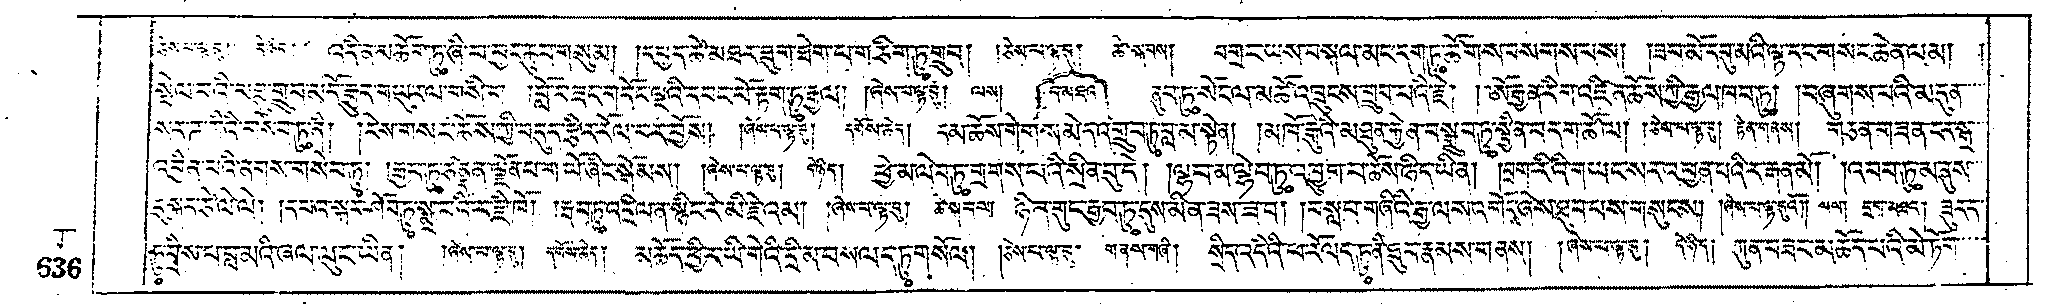ཅེས་པ་ལྟ་བུ། དེ་ཉིད། འདི་ན་མཆོག་ཏུ྾་ཞི་བ་བྱང་ཆུབ་གསུམ། །དཔྱད་ཚེ་མཐར་ཐུག་ཐེག་པ་གཅིག་ཏུ྾་གྲུབ། །ཅེས་པ་ལྟ་བུ། ཚེ་སྐབས།  བགྲང་ཡང་བསྐལ་མང་དག་ཏུ྾་ཚོགས་བསགས་པས། །ཟབ་མོ་དབུ་མའི་ལྟ་དང་གསང་ཆེན་ལམ། །
སྤེལ་བའི་མཐུ་གྲུབ་མདོ་རྒྱུད་གཡུ་རལ་གསིག །བློ་བཟང་གདོང་ལྔའི་དབང་པོ་རྟག་ཏུ྾་རྒྱལ། །ཞེས་པ་ལྟ་བུ། ལས།  ༼བ་མཐའ༽ ནུབ་ཏུ྾་སོང་ལ་མཚོ་འཁྲུངས་གྲུབ་པའི་རྗེ། །ཨོ་རྒྱན་རིག་འཛིན་ཆོས་ཀྱི་རྒྱལ་ཁབ་ཏུ྾། །བཞུགས་པའི་མདུན་་་
སར་ཌ་ཀིའི་གསེབ་ཏུ྾་ནི། །ངེས་གསང་ཆོས་ཀྱི་བདུད་རྩིར་རོལ་བར་བྱོས། །ཞེས་པ་ལྟ་བུ། དགོས་ཆེད།  དམ་ཆོས་གེགས་མེད་འགྲུབ་ཏུ྾་བླ་མ་སྟེན། །མཁོ་རྒུའི་མཐུན་རྐྱེན་བསྒྲུབ་ཏུ྾་སྦྱིན་བདག་ཚོལ། །ཅེས་པ་ལྟ་བུ། རྟེན་གནས།  གཅན་གཟན་ངར་སྒྲ་་་
འབྱིན་པའི་ནགས་གསེབ་ཏུ྾། །རྒྱབ་ཏུ྾་ཙནྡན་ལྗོན་པ་གཡོ་ཞིང་སྒོམས། །ཞེས་པ་ལྟ་བུ། དེ་ཉིད།  ཕྱེ་མ་ལེབ་ཏུ྾་གྲགས་པའི་སྲིན་བུ་དེ། །ལྷབ་མ་ལྷེབ་ཏུ྾་འཁྱུག་པ་ཆོས་ཉིད་ཡིན། །བྲག་རིའི་གཡང་སར་འཕྱན་པའི་ར་རྒན་མོ། །འབབ་ཏུ྾་མ་ནུས་་་
དུ་སྐད་ཙེ་ལེ་ལེ། །དཔའ་སྐད་ཤོབ་ཏུ྾་སྨྲ་བའི་ར་རྫི་ཁོ། །རྦབ་ཏུ྾་འདྲིལ་ན་སྙིང་རེ་མི་རྗེ་འམ། །ཞེས་པ་ལྟ་བུ། ཚེ་སྐབས།  ཉིན་གུང་རྒྱབ་ཏུ྾་དུས་མིན་ཟས་ཟ་བ། །བསླབ་གཞིའི་རྒྱ་ལས་འགོངས་ཞེས་ཐུབ་པས་གསུངས། །ཞེས་པ་ལྟ་བུའོ།། ལས། དྲག་མཐའ།  ཟུརད་
ཏུ྾་བྲིས་པ་བླ་མའི་ཞལ་ལུང་ཡིན། །ཞེས་པ་ལྟ་བུ། དགོས་ཆེད།  མཆོད་ཕྱིར་ཡི་གེའི་དྲི་མ་བསལད་ཏུ྾་གསོལ། །ཅེས་པ་ལྟ་བུ། གནས་གཞི།  སྲིད་འདིའི་ཕ་རོལ་ཏུ྾་ནི་ཐུབ་རྣམས་གནས། །ཞེས་པ་ལྟ་བུ། དེ་ཉིད།  ཀུན་བཟང་མཆོད་པའི་མེ་ཏོག་་་